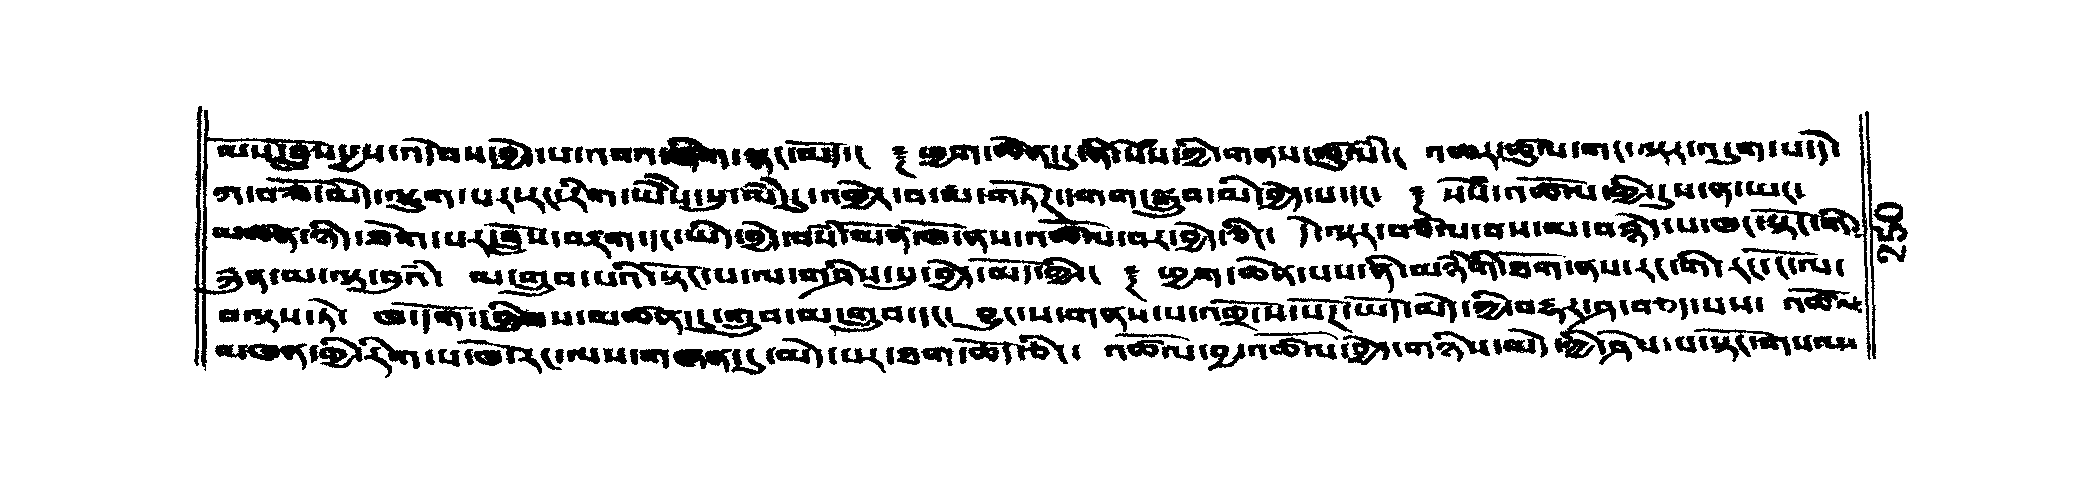མོས་བློ་རྒྱས་འདེབས་བྱེད་པ་འབའ་ཞིག་སྣང་མོད། ༈ ཕྱག་ཆེན་དུ་ནི་སེམས་ཀྱི་གནས་ཚུལ་ལམ། འཆར་ཚུལ་གང་ལྟར་འདུག་པ་དེ་
ཀ་བཟོ་མེད་ལྷུག་པར་རང་རིག་ཡེ་ཤེས་སུ་ལམ་དུ་འཁྱེར་བ་མ་གཏོགས་དགག་སྒྲུབ་མི་བྱེད་པ་དང་། སེམས་འཚོལ་གྱི་དུས་ན་ཡང་
མཚན་ཉིད་ཐེག་པར་བློས་བརྟག་དང་ཡིད་བྱེད་བསམ་མནོ་ཁོ་ནས་འཚོལ་བར་བྱེད་ཅིང་། དེ་ལྟར་བཙལ་བས་མ་བརྙེད་པ་ཁང་སྟོང་གི་
རྐུན་མ་ལྟ་བུའམ། མ་གྲུབ་པའི་སྟོང་པ་ལ་གཤིས་སུ་བྱེད་མོད་ཀྱི། ༈ ཕྱག་ཆེན་པས་ནི་མཉམ་བཞག་གི་ཐོག་ནས་རང་གི་རང་ངོ་ལ་
བལྟས་ཏེ། ཁ་དོག་དབྱིབས་མཚན་དུ་གྲུབ་མ་གྲུབ་དང་། བྱུང་ས་གནས་ས་འགྲོ་ས་སོགས་ཡོད་མེད་ཀྱི་བརྡར་ཤ་བཅད་པས། འཚོལ་
མཁན་གྱི་རིག་པ་ཁོ་རང་ལས་གཞན་དུ་མེད་པར་ཐག་ཆོད་ཅིང་། འཚོལ་བྱ་འཚོལ་བྱེད་གཉིས་མེད་ཀྱི་ཤེས་པ་སྟོང་གསལ་